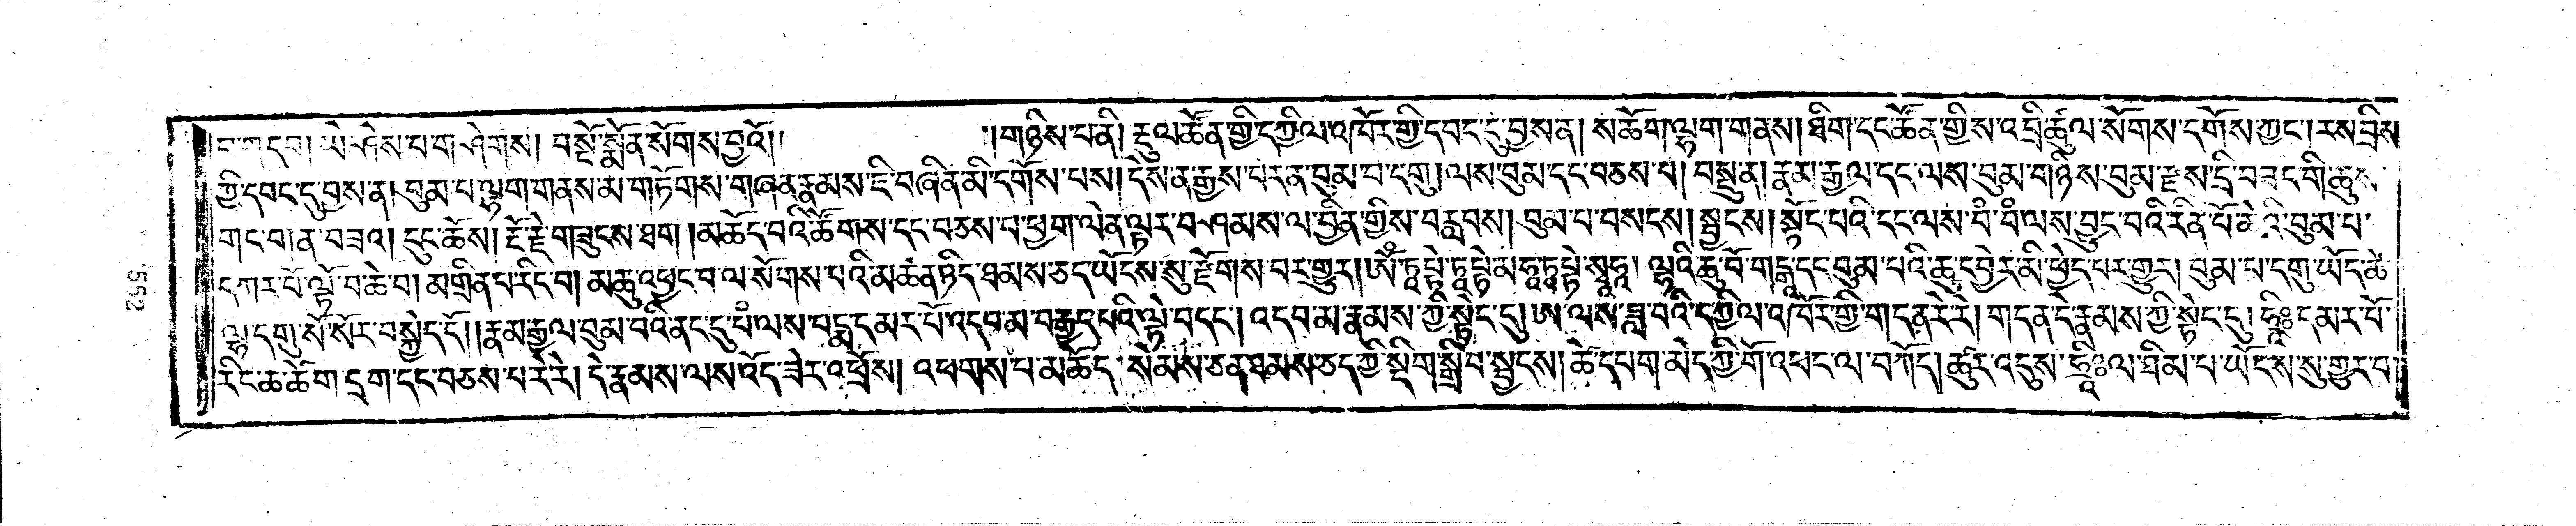བ་གདབ། ཡེ་ཤེས་པ་གཤེགས། བསྔོ་སྨོན་སོགས་བྱའོ།། །།གཉིས་པ་ནི། རྡུལ་ཚོན་གྱི་དཀྱིལ་འཁོར་གྱི་དབང་དུ་བྱས་ན། ས་ཆོག་ལྷག་གནས། ཐིག་དང་ཚོན་གྱིས་འབྲི་ཚུལ་སོགས་དགོས་ཀྱང་། རས་བྲིས་
ཀྱི་དབང་དུ་བྱས་ན། བུམ་པ་ལྷག་གནས་མ་གཏོགས་གཞན་རྣམས་ཇི་བཞིན་མི་དགོས་པས། དེས་ན་རྒྱས་པར་ན་བུམ་པ་དགུ །ལས་བུམ་དང་བཅས་པ། བསྡུ་ན། རྣམ་རྒྱལ་དང་ལས་བུམ་གཉིས་བུམ་རྫས་དྲི་བཟང་གི་ཆུས་
གང་བ། ན་བཟའ། དུང་ཆོས། རྡོ་རྗེ་གཟུངས་ཐག །མཆོད་པའི་ཚོགས་དང་བཅས་པ་ཕྱག་ལེན་ལྟར་བཤམས་ལ་བྱིན་གྱིས་བརླབས། བུམ་པ་བསངས། སྦྱངས། སྟོང་པའི་ངང་ལས་བཾ་བཾ་ལས་བྱུང་བའི་རིན་པོ་ཆེའི་བུམ་པ་
དཀར་པོ་ལྟོ་བ་ཆེ་བ། མགྲིན་པ་རིང་བ། མཆུ་འཕྱང་བ་ལ་སོགས་པའི་མཚན་ཉིད་ཐམས་ཅད་ཡོངས་སུ་རྫོགས་པར་གྱུར། ཨོཾ་ཏཱ་པྟེ་ཏཱ་པྟེ་མ་ཧཱ་ཏཱ་པྟེ་སྭཱཧཱ། ལྷའི་ཆུ་བོ་གངྒཱ་དང་བུམ་པའི་ཆུ་དབྱེར་མི་ཕྱེད་པར་གྱུར། བུམ་པ་དགུ་ཡོད་ཚེ་
ལྷ་དགུ་སོ་སོར་བསྐྱེད་དོ། །རྣམ་རྒྱལ་བུམ་པའི་ནང་དུ་པཾ་ལས་པདམ་དམར་པོ་འདབ་མ་བརྒྱད་པའི་ལྟེ་བ་དང་། འདབ་མ་རྣམས་ཀྱི་སྟེང་དུ། ཨ་ལས་ཟླ་བའི་དཀྱིལ་འཁོར་གྱི་གདན་རེ་རེ། གདན་དེ་རྣམས་ཀྱི་སྟེང་དུ། ཧྲཱིཿ དམར་པོ་
རིང་ཆ་ཚེག་དྲག་དང་བཅས་པ་རེ་རེ། དེ་རྣམས་ལས་འོད་ཟེར་འཕྲོས། འཕགས་པ་མཆོད། སེམས་ཅན་ཐམས་ཅད་ཀྱི་སྡིག་སྒྲིབ་སྦྱངས། ཚེ་དཔག་མེད་ཀྱི་གོ་འཕང་ལ་བཀོད། ཚུར་འདུས་ཧྲཱིཿ ལ་ཐིམ་པ་ཡོངས་སུ་གྱུར་པ།